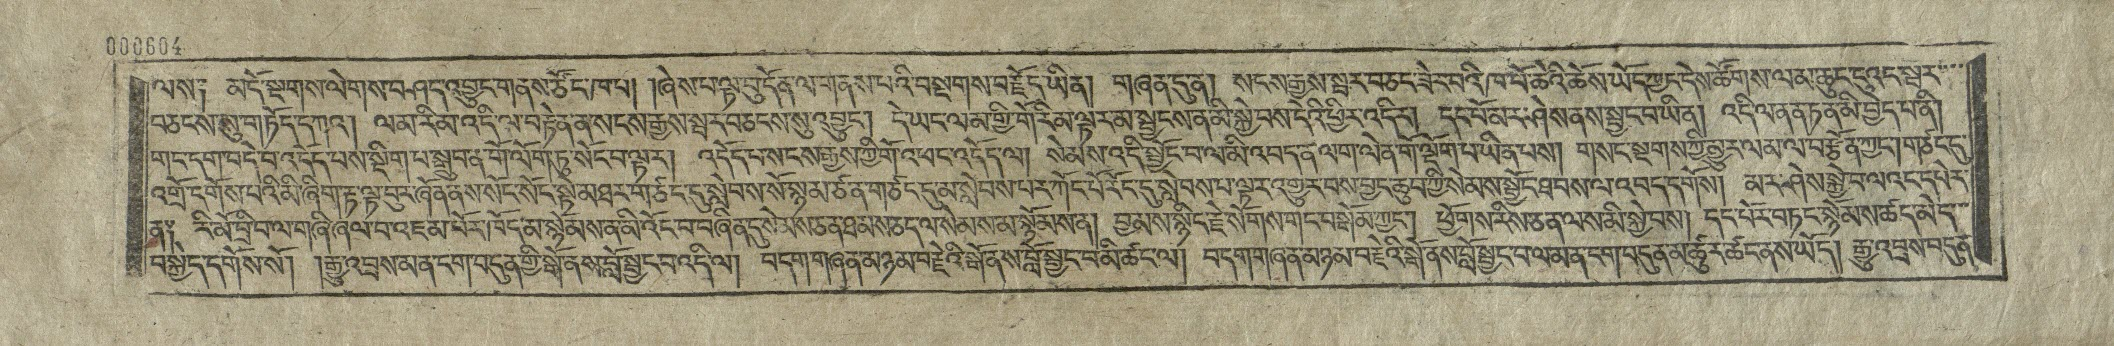ལས༑ མདོ་སྔགས་ལེགས་བཤད་འབྱུང་གནས་ཙོང་ཁ་པ། །ཞེས་པ་ལྟ་བུ་དོན་ལ་གནས་པའི་བསྔགས་བརྗོད་ཡིན། གཞན་དུ་ན། སངས་རྒྱས་སྦར་བཅང་ཟེར་བའི་ཁ་པོ་ཆེའི་ཆོས་ཡོད་ཀྱང་དེས་ཚོགས་ལམ་ཆུང་ངུའང་སྦར་
བཅངས་སུ་གཏོད་དཀའ། ལམ་རིམ་འདི་ལ་བརྟེན་ན་སངས་རྒྱས་སྦར་བཅངས་སུ་འབྱུང་། དེ་ཡང་ལམ་གྱི་གོ་རིམ་ལྟར་མ་སྦྱངས་ན་མི་སྐྱེ་བས་དེའི་ཕྱིར་འདིར། དང་པོ་མར་ཤེས་ནས་སྦྱང་བ་ཡིན། འདི་ལ་ནན་ཏན་མི་བྱེད་པ་ནི།
གང་དག་བདེ་བ་འདོད་པས་སྡིག་པ་སྒྲུབ་ན་གོ་ལོག་ཏུ་སོང་བ་ལྟར། འདོད་པ་སངས་རྒྱས་ཀྱི་གོ་འཕང་འདོད་ལ། སེམས་འདི་སྦྱོང་བ་ལ་མི་འབད་ན་ལག་ལེན་གོ་ལྡོག་པ་ཡིན་པས། གསང་སྔགས་ཀྱི་མྱུར་ལམ་ལ་བརྩོན་ཀྱང་། གཙང་དུ་
འགྲོ་དགོས་པའི་མི་ཞིག་རྟ་ལྟ་བུར་ཞོན་ནས་སོང་སོང་སྟེ་མཐར་གཙང་དུ་སླེབས་སོ་སྙམ་ཙ་ན་གཙང་དུ་མ་སླེབས་པར་ཀོང་པོ་རོང་དུ་སླེབས་པ་ལྟར་འགྱུར་བས་བྱང་ཆུབ་ཀྱི་སེམས་སྦྱོང་ཐབས་ལ་འབད་དགོས། མར་ཤེས་སྐྱེ་བ་ལའང་དཔེར་
ན༑ རི་མོ་བྲི་བ་ལ་གཞི་ཞལ་བ་འཇམ་པོར་ཁོད་མ་སྙོམས་ན་མི་འོང་བ་བཞིན་དུ་སེམས་ཅན་ཐམས་ཅད་ལ་སེམས་མ་སྙོམས་ན། བྱམས་སྙིང་རྗེ་སོགས་གང་བསྒོམ་ཀྱང་། ཕྱོགས་རིས་ཅན་ལས་མི་སྐྱེ་བས། དང་པོར་བཏང་སྙོམས་ཚད་མེད་
བསྐྱེད་དགོས་སོ། །རྒྱུ་འབྲས་མན་ངག་བདུན་གྱི་སྒོ་ནས་བློ་སྦྱང་བ་འདི་ལ། བདག་གཞན་མཉམ་བརྗེའི་སྒོ་ནས་བློ་སྦྱང་བ་མི་ཚང་ལ། བདག་གཞན་མཉམ་བརྗེའི་སྒོ་ནས་བློ་སྦྱང་བ་ལ་མན་ངག་བདུན་མ་ཚུར་ཚང་ནས་ཡོད། རྒྱུ་འབྲས་བདུན་